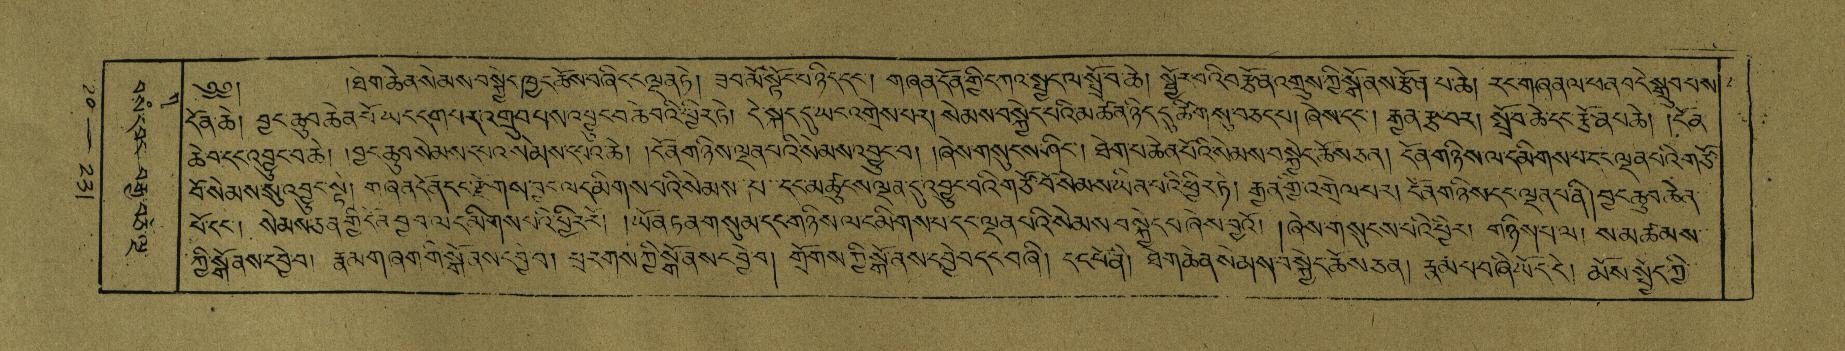༄༅། །ཐེག་ཆེན་སེམས་བསྐྱེད་ཁྱད་ཆོས་བཞི་དང་ལྡན་ཏེ། ཟབ་མོ་སྟོང་པ་ཉིད་དང་། གཞན་དོན་གྱི་དཀའ་སྤྱད་ལ་སྤྲོ་བ་ཆེ། སྦྱོར་བའི་བརྩོན་འགྲུས་ཀྱི་སྒོ་ནས་རྩོན་པ་ཆེ། རང་གཞན་ལ་ཕན་བདེ་སྒྲུབ་པས་
དོན་ཆེ། བྱང་ཆུབ་ཆེན་པོ་ཡང་དག་པར་འགྲུབ་པས་འབྱུང་བ་ཆེ་བའི་ཕྱིར་ཏེ། དེ་སྐད་དུ་ཡང་འགྲེས་པར། སེམས་བསྐྱེད་པའི་མཚན་ཉིད་དུ་ཚིག་སུ་བཅད་པ། ཞེས་དང་། རྒྱན་རྩ་བར། སྤྲོ་བ་ཆེ་དང་རྩོན་པ་ཆེ། །དོན་
ཆེ་བ་དང་འབྱུང་བ་ཆེ། །བྱང་ཆུབ་སེམས་དཔའ་སེམས་དཔའ་ཆེ། །དོན་གཉིས་ལྡན་པའི་སེམས་འབྱུང་བ། །ཞེས་གསུངས་ཤིང་། ཐེག་པ་ཆེན་པོའི་སེམས་བསྐྱེད་ཆོས་ཅན། དོན་གཉིས་ལ་དམིགས་པ་དང་ལྡན་པའི་གཙོ་
བོ་སེམས་སུ་འབྱུང་སྟེ། གཞན་དོན་དང་རྫོགས་བྱང་ལ་དམིགས་པའི་སེམས་པ་དང་མཚུངས་ལྡན་དུ་འབྱུང་བའི་གཙོ་བོ་སེམས་ཡིན་པའི་ཕྱིར་ཏེ། རྒྱན་གྱི་འགྲེལ་པར། དོན་གཉིས་དང་ལྡན་པ་ནི། བྱང་ཆུབ་ཆེན་
པོ་དང་། སེམས་ཅན་གྱི་དོན་བྱ་བ་ལ་དམིགས་པའི་ཕྱིར་རོ། །ཡོན་ཏན་གསུམ་དང་གཉིས་ལ་དམིགས་པ་དང་ལྡན་པའི་སེམས་བསྐྱེད་པ་ཞེས་བྱའོ། །ཞེས་གསུངས་པའི་ཕྱིར། གཉིས་པ་ལ། ས་མཚམས་
ཀྱི་སྒོ་ནས་དབྱེ་བ། རྣམ་གཞག་གི་སྒོ་ནས་དབྱེ་བ། ཕྲ་རགས་ཀྱི་སྒོ་ནས་དབྱེ་བ། གྲོགས་ཀྱི་སྒོ་ནས་དབྱེ་བ་དང་བཞི། དང་པོ་ནི། ཐེག་ཆེན་སེམས་བསྐྱེད་ཆོས་ཅན། རྣམ་པ་བཞི་ཡོད་དེ། མོས་སྤྱོད་ཀྱི་